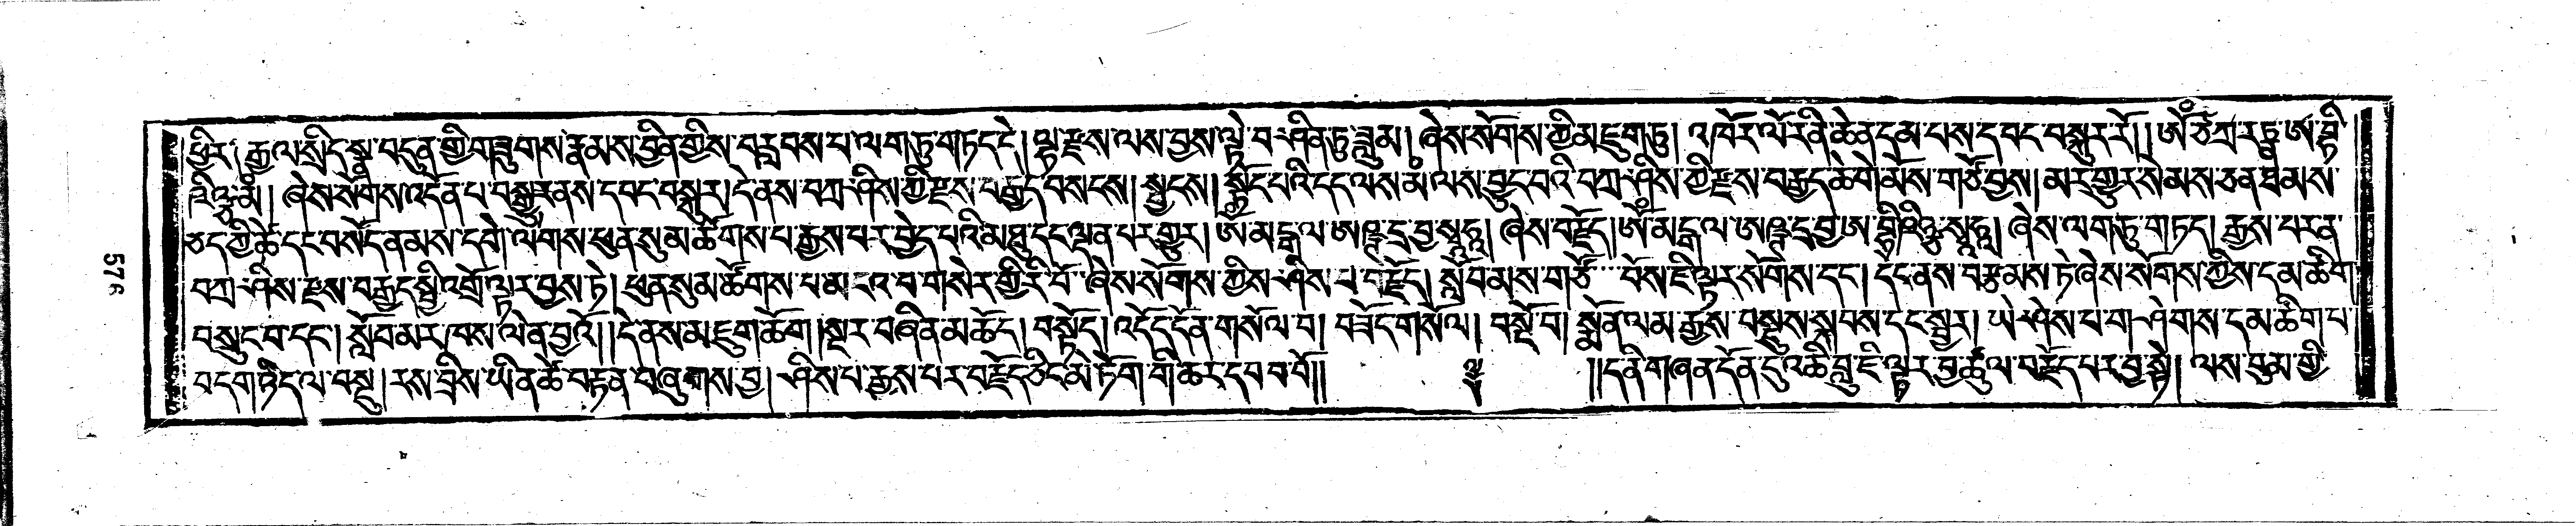ཕྱིར། རྒྱལ་སྲིད་སྣ་བདུན་གྱི་གཟུགས་རྣམས་བྱིན་གྱིས་བརླབས་པ་ལག་ཏུ་གཏད་དེ། ལྷ་རྫས་ལས་བྱས་ལྟེ་བ་ཤིན་ཏུ་ཟླུམ། ཞེས་སོགས་ཀྱི་མཇུག་ཏུ། འཁོར་ལོ་རིན་ཆེན་དམ་པས་དབང་བསྐུར་རོ། །ཨོཾ་ཙ་ཀྲ་རཏྣ་ཨ་བྷི་
ཥིཉྩ་མཾ། ཞེས་སོགས་འདོན་པ་བསྒྱུར་ནས་དབང་བསྐུར། དེ་ནས་བཀྲ་ཤིས་ཀྱི་རྫས་བརྒྱད་བསངས། སྦྱངས། སྟོང་པའི་ངང་ལས་མཾ་ལས་བྱུང་བའི་བཀྲ་ཤིས་ཀྱི་རྫས་བརྒྱད་ཆེ་གེ་མོས་གཙོ་བྱས། མར་གྱུར་སེམས་ཅན་ཐམས་
ཅད་ཀྱི་ཚེ་དང་བསོད་ནམས་དགེ་ལེགས་ཕུན་སུམ་ཚོགས་པ་རྒྱས་པར་བྱེད་པའི་མཐུ་དང་ལྡན་པར་གྱུར། ཨོཾ་མངྒ་ལ་ཨཥྚ་དྲ་བྱ་སྭཱཧཱ། ཞེས་བརྗོད། ཨོཾ་མངྒ་ལ་ཨ་ཥྚ་དྲ་བྱ་ཨ་བྷི་ཥིཉྩ་སྭཱཧཱ། ཞེས་ལག་ཏུ་གཏད། རྒྱས་པར་ན་
བཀྲ་ཤིས་རྫས་བརྒྱད་སྤྱི་འགྲོ་ལྟར་བྱས་ཏེ། ཕུན་སུམ་ཚོགས་པ་མངའ་བ་གསེར་གྱི་རི་བོ་ཞེས་སོགས་ཀྱིས་ཤིས་པ་བརྗོད། སློབ་མས་གཙོ་བོས་ཇི་ལྟར་སོགས་དང་། དེང་ནས་བརྩམས་ཏེ་ཞེས་སོགས་ཀྱིས་དམ་ཚིག་
བསྲུང་བ་དང་། སློབ་མར་ཁས་ལེན་བྱའོ། །དེ་ནས་མཇུག་ཆོག །སྔར་བཞིན་མཆོད། བསྟོད། འདོད་དོན་གསོལ་བ། བཟོད་གསོལ། བསྔོ་བ། །སྨོན་ལས་རྒྱས་བསྡུས་སྐབས་དང་སྦྱར། ཡེ་ཤེས་པ་གཤེགས་དམ་ཚིག་པ་
བདག་ཉིད་ལ་བསྡུ། རས་བྲིས་ཡིན་ཚེ་བརྟན་བཞུགས་བྱ། ཤིས་པ་རྒྱས་པར་བརྗོད་ཅིང་མེ་ཏོག་གི་ཆར་དབབ་བོ།། ༈ །།ད་ནི་གཞན་དོན་དུ་འཆི་བླུ་ཇི་ལྟར་བྱ་ཚུལ་བརྗོད་པར་བྱ་སྟེ། ལས་བུམ་གྱི་